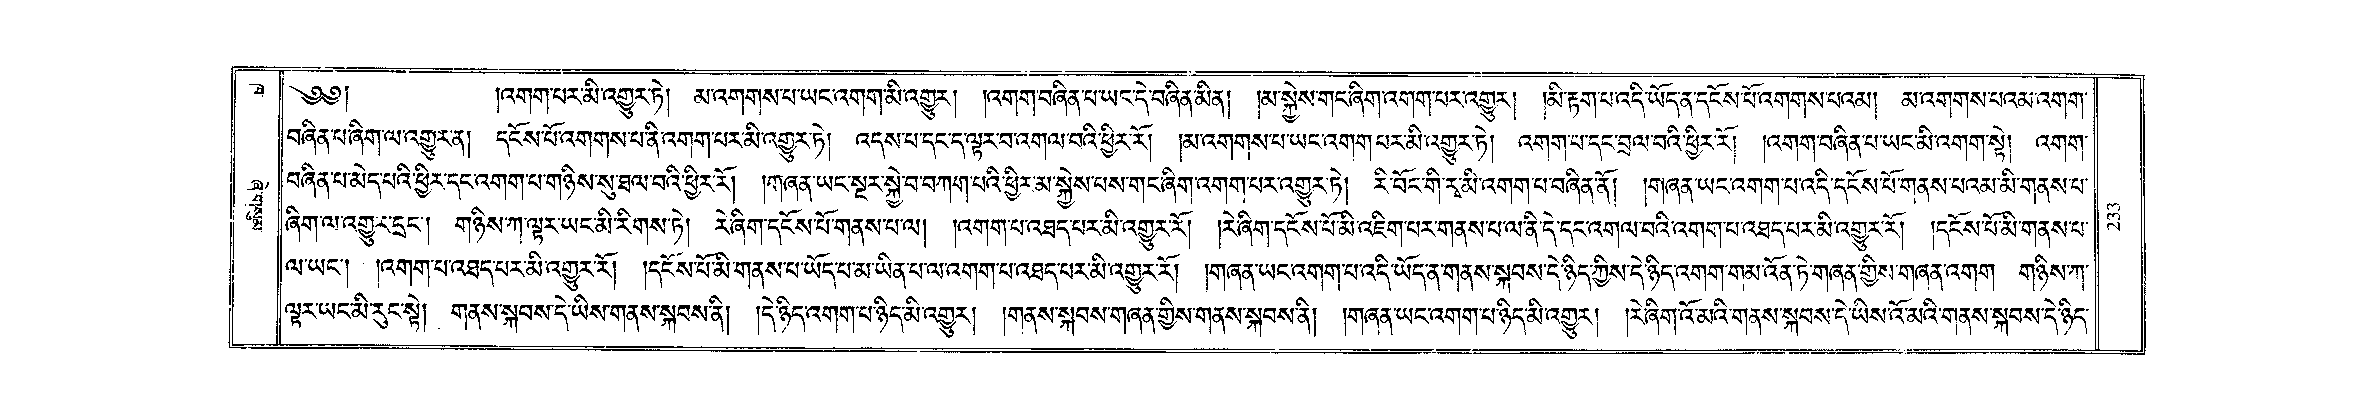༄༅། །འགག་པར་མི་འགྱུར་ཏེ། མ་འགགས་པ་ཡང་འགག་མི་འགྱུར། །འགག་བཞིན་པ་ཡང་དེ་བཞིན་མིན། །མ་སྐྱེས་གང་ཞིག་འགག་པར་འགྱུར། །མི་རྟག་པ་འདི་ཡོད་ན་དངོས་པོ་འགགས་པའམ། མ་འགགས་པའམ་འགག་
བཞིན་པ་ཞིག་ལ་འགྱུར་ན། དངོས་པོ་འགགས་པ་ནི་འགག་པར་མི་འགྱུར་ཏེ། འདས་པ་དང་ད་ལྟར་བ་འགལ་བའི་ཕྱིར་རོ། །མ་འགགས་པ་ཡང་འགག་པར་མི་འགྱུར་ཏེ། འགག་པ་དང་བྲལ་བའི་ཕྱིར་རོ། །འགག་བཞིན་པ་ཡང་མི་འགག་སྟེ། འགག་
བཞིན་པ་མེད་པའི་ཕྱིར་དང་འགག་པ་གཉིས་སུ་ཐལ་བའི་ཕྱིར་རོ། །གཞན་ཡང་སྔར་སྐྱེ་བ་བཀག་པའི་ཕྱིར་མ་སྐྱེས་པས་གང་ཞིག་འགག་པར་འགྱུར་ཏེ། རི་བོང་གི་རྭ་མི་འགག་པ་བཞིན་ནོ། །གཞན་ཡང་འགག་པ་འདི་དངོས་པོ་གནས་པའམ་མི་གནས་པ་
ཞིག་ལ་འགྱུར་དྲང་། གཉིས་ཀ་ལྟར་ཡང་མི་རིགས་ཏེ། རེ་ཞིག་དངོས་པོ་གནས་པ་ལ། །འགག་པ་འཐད་པར་མི་འགྱུར་རོ། །རེ་ཞིག་དངོས་པོ་མི་འཇིག་པར་གནས་པ་ལ་ནི་དེ་དང་འགལ་བའི་འགག་པ་འཐད་པར་མི་འགྱུར་རོ། །དངོས་པོ་མི་གནས་པ་
ལ་ཡང་། །འགག་པ་འཐད་པར་མི་འགྱུར་རོ། །དངོས་པོ་མི་གནས་པ་ཡོད་པ་མ་ཡིན་པ་ལ་འགག་པ་འཐད་པར་མི་འགྱུར་རོ། །གཞན་ཡང་འགག་པ་འདི་ཡོད་ན་གནས་སྐབས་དེ་ཉིད་ཀྱིས་དེ་ཉིད་འགག་གམ་འོན་ཏེ་གཞན་གྱིས་གཞན་འགག་གཉིས་ཀ་
ལྟར་ཡང་མི་རུང་སྟེ། གནས་སྐབས་དེ་ཡིས་གནས་སྐབས་ནི། །དེ་ཉིད་འགག་པ་ཉིད་མི་འགྱུར། །གནས་སྐབས་གཞན་གྱིས་གནས་སྐབས་ནི། །གཞན་ཡང་འགག་པ་ཉིད་མི་འགྱུར། །རེ་ཞིག་འོ་མའི་གནས་སྐབས་དེ་ཡིས་འོ་མའི་གནས་སྐབས་དེ་ཉིད་